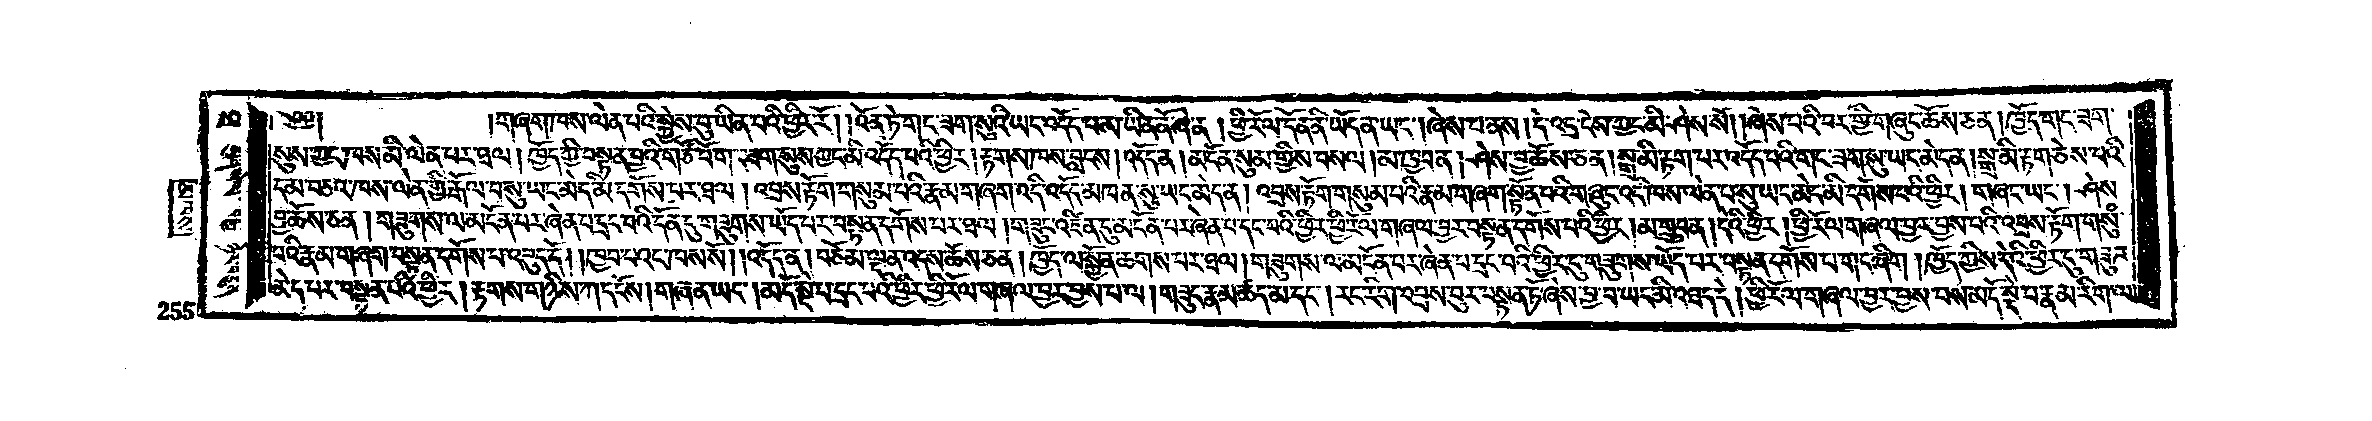༄༅། །གཞག་ཁས་ལེན་པའི་སྐྱེས་བུ་ཡིན་པའི་ཕྱིར་རོ། །འོན་ཏེ་གང་ཟག་སུའི་ཡང་འདོད་པ་མ་ཡིན་ནོ་ཞེ་ན་།ཕྱི་རོལ་དོན་ནི་ཡོད་ན་ཡང་། ཞེས་པ་ནས། དེ་འདྲ་ངས་ཀྱང་མི་ཤེས་སོ། །ཞེས་པའི་བར་གྱི་གཞུང་ཆོས་ཅན། ཁྱོད་གང་ཟག་
སུས་ཀྱང་ཁས་མི་ལེན་པར་ཐལ། ཁྱོད་ཀྱི་བསྟན་བྱའི་གཙོ་བོ་གང་ཟག་སུས་ཀྱང་མི་འདོད་པའི་ཕྱིར། རྟགས་ཁས་བླངས། འདོད་ན། མངོན་སུམ་གྱིས་བསལ། མ་ཁྱབ་ན། ཤེས་བྱ་ཆོས་ཅན། སྒྲ་མི་རྟག་པར་འདོད་པའི་གང་ཟག་སུ་ཡང་མེད་ན། སྒྲ་མི་རྟག་ཅེས་པའི་
དམ་བཅའ་ཁས་ལེན་གྱི་རྒོལ་བ་སུ་ཡང་མེད་དགོས་པར་ཐལ། འབྲས་རྟོག་གསུམ་པའི་རྣམ་གཞག་འདི་འདོད་མཁན་སུ་ཡང་མེད་ན། འབྲས་རྟོག་གསུམ་པའི་རྣམ་གཞག་སྟོན་པའི་གཞུང་འདི་ཁས་ལེན་པ་སུ་ཡང་མེད་མི་དགོས་པའི་ཕྱིར། གཞན་ཡང་། ཤེས་
བྱ་ཆོས་ཅན། གཟུགས་ལ་མངོན་པར་ཞེན་པ་དྲང་བའི་དོན་དུ་གཟུགས་ཡོད་པར་བསྟན་དགོས་པར་ཐལ། གཟུང་འཛིན་དུ་མངོན་པར་ཞེན་པ་དྲང་བའི་ཕྱིར་ཕྱི་རོལ་གཞལ་བྱར་བསྟན་དགོས་པའི་ཕྱིར། མ་གྲུབ་ན། དེའི་ཕྱིར། ཕྱི་རོལ་གཞལ་བྱར་བྱས་པའི་འབྲས་རྟོག་གསུཾ་
པའི་རྣམ་གཞག་བསྟན་དགོས་པ་འབུད་དོ། །ཁྱབ་པའང་ཁས་སོ། །འདོད་ན། བཅོམ་ལྡན་འདས་ཆོས་ཅན། ཁྱོད་ལ་སྐྱོན་ཆགས་པར་ཐལ། གཟུགས་ལ་མངོན་པར་ཞེན་པ་དྲང་བའི་ཕྱིར་དུ་གཟུགས་ཡོད་པར་བསྟན་དགོས་པ་གང་ཞིག །ཁྱོད་ཀྱིས་དེའི་ཕྱིར་དུ་གཟུཌ་
མེད་པར་བསྟན་པའི་ཕྱིར། རྟགས་གཉིས་ཀ་དངོས། གཞན་ཡང་། མདོ་སྡེ་པ་དྲང་བའི་ཕྱིར་ཕྱི་རོལ་གཞལ་བྱར་བྱས་པ་ལ། གཟུང་རྣམ་ཚད་མ་དང་། རང་རིག་འབྲས་བུར་བསྟན་ཏོ་ཞེས་བྱ་བ་ཡང་མི་འཐད་དེ། ཕྱི་རོལ་གཞལ་བྱར་བྱས་པས་མདོ་སྡེ་པ་རྣམ་རིག་ལ་